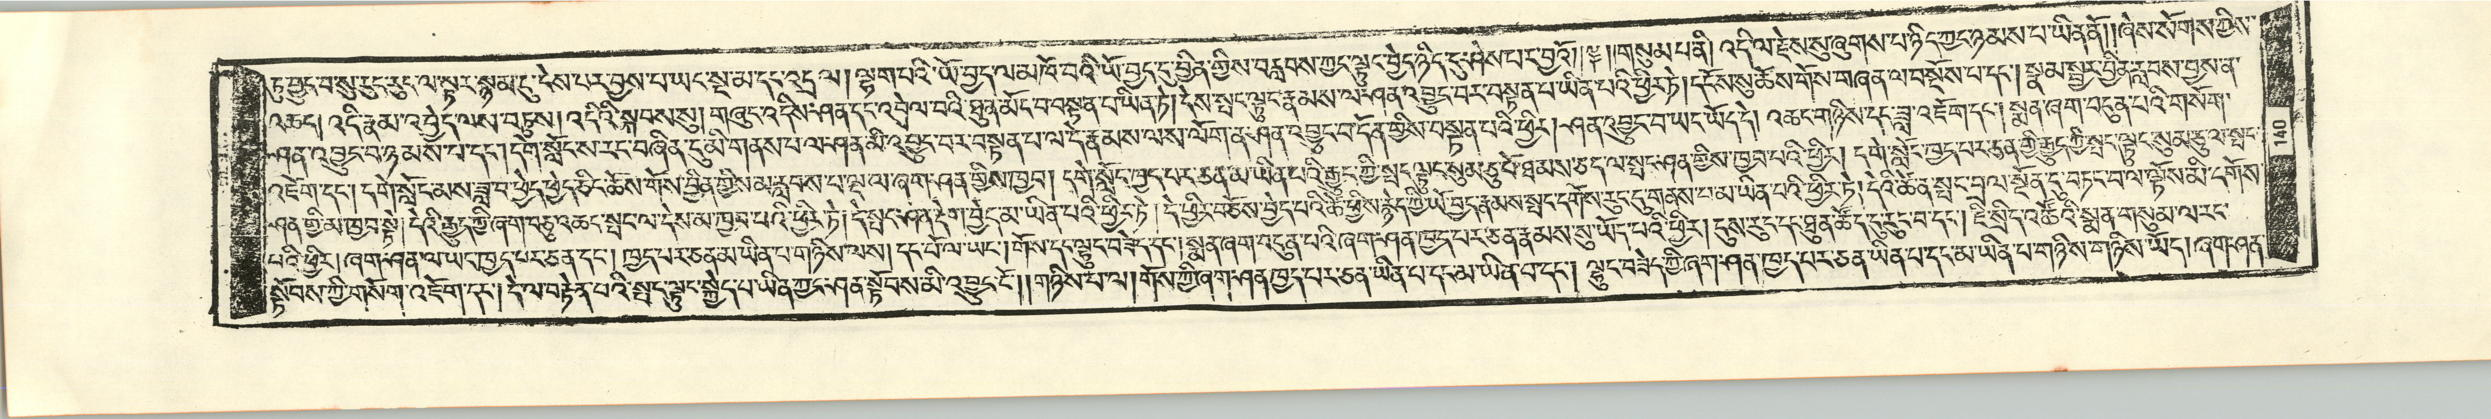ཏུ་བྱུང་བ་སུ་རུང་རུང་ལ་སྟར་སྙམ་དུ་ངེས་པར་བྱས་པ་ཡང་སྔ་མ་དང་འདྲ་ལ། ལྷག་པའི་ཡོ་བྱད་ལ་མཁོ་བའི་ཡོ་བྱད་དུ་བྱིན་གྱིས་བརླབས་ཀྱང་ལྟུང་བྱེད་ཉིད་དུ་ཤེས་པར་བྱའོ།། ༈ །།གསུམ་པ་ནི། འདི་ལ་རྗེས་སུ་ཞུགས་པ་ཉིད་ཀྱང་ཉམས་པ་ཡིན་ནོ། །ཞེས་སོགས་ཀྱིས་
འཆད༑ འདི་རྣམ་འབྱེད་ལས་བཏུས། འདིའི་སྐབས་སུ། གཞུང་འདིས་ཤན་དང་འབྲེལ་བའི་ཐུན་མོང་བ་བསྟན་པ་ཡིན་ཏེ། དེས་སྤང་ལྟུང་རྣམས་ལ་ཤན་འབྱུང་བར་བསྟན་པ་ཡིན་པའི་ཕྱིར་ཏེ། དངོས་སུ་ཆོས་གོས་གཞན་ལ་བསྡོས་པ་དང་།སྣམ་སྦྱར་བྱིན་རླབས་བྱས་ན་
ཤན་འབྱུང་བ་ཉམས་པ་དང་། དགེ་སློང་ས་རང་བཞིན་དུ་མི་གནས་པ་ལ་ཤན་མི་འབྱུང་བར་བསྟན་པ་ལ་དེ་རྣམས་ལས་ལོག་ན་ཤན་འབྱུང་བ་དོན་གྱིས་བསྟན་པའི་ཕྱིར། ཤན་འབྱུང་བ་ཡང་ཡོད་དེ། འཆང་གཉིས་དང་ཟླ་འཇོག་དང་། སྨན་ཞག་བདུན་པའི་གསོག་
འཇོག་དང་། དགེ་སློང་མས་ཟླ་བ་ཕྱེད་ཕྱེད་ཅིང་ཆོས་གོས་བྱིན་གྱིས་མ་རླབས་པ་ལྔ་ལ་ཞག་ཤན་གྱིས་ཁྱབ། དགེ་སློང་ཁྱད་པར་ཅན་མ་ཡིན་པའི་རྒྱུད་ཀྱི་སྤང་ལྟུང་སུམ་ཅུ་པོ་ཐམས་ཅད་ལ་སྤང་ཤན་གྱིས་ཁྱབ་པའི་ཕྱིར། དགེ་སློང་ཁྱད་པར་ཅན་གྱི་རྒྱུད་ཀྱི་སྤང་ལྟུང་སུམ་ཅུ་ལ་སྤང་
ཤན་གྱི་མ་ཁྱབ་སྟེ། དེའི་རྒྱུད་ཀྱི་ཞག་བཅུ་འཆང་སྤང་ལ་དེས་མ་ཁྱབ་པའི་ཕྱིར་ཏེ། དེ་སྤང་ཤན་རྡེག་བྱེད་མ་ཡིན་པའི་ཕྱིར་ཏེ། དེ་ཕྱིར་བཅོས་བྱེད་པའི་ཚེ་ཕྱིས་རྙེད་ཀྱི་ཡོ་བྱད་རྣམས་སྤང་དགོས་རུང་དུ་གནས་པ་མ་ཡིན་པའི་ཕྱིར་ཏེ། དེའི་ཚེ་ན་སྤང་བྲལ་སྔོན་དུ་བཏང་བ་ལ་ལྟོས་མི་དགོས་
པའི་ཕྱིར། ཞག་ཤན་ལ་ཡང་ཁྱད་པར་ཅན་དང་། ཁྱད་པར་ཅན་མ་ཡིན་པ་གཉིས་ལས། དང་པོ་ལ་ཡང་། གོས་དང་ལྟུང་བཟེད་དང་། སྨན་ཞག་བདུན་པའི་ཞག་ཤན་ཁྱད་པར་ཅན་རྣམས་སུ་ཡོད་པའི་ཕྱིར། དུས་རུང་དང་ཐུན་ཚོད་དུ་རུང་བ་དང་། ཇི་སྲིད་འཚོའི་སྨན་གསུམ་ལ་རང་
སྟོབས་ཀྱི་གསོག་འཇོག་དང་། དེ་ལ་བརྟེན་པའི་སྤང་ལྟུང་སྐྱེད་པ་ཡིན་ཀྱང་ཤན་སྟོབས་མི་འབྱུང་ངོ། །གཉིས་པ་ལ། གོས་ཀྱི་ཞག་ཤན་ཁྱད་པར་ཅན་ཡིན་པ་དང་མ་ཡིན་པ་དང་། ལྷུང་བཟེད་ཀྱི་ཞག་ཤན་ཁྱད་པར་ཅན་ཡིན་པ་དང་མ་ཡིན་པ་གཉིས་གཉིས་ཡོད། ཞག་ཤན་